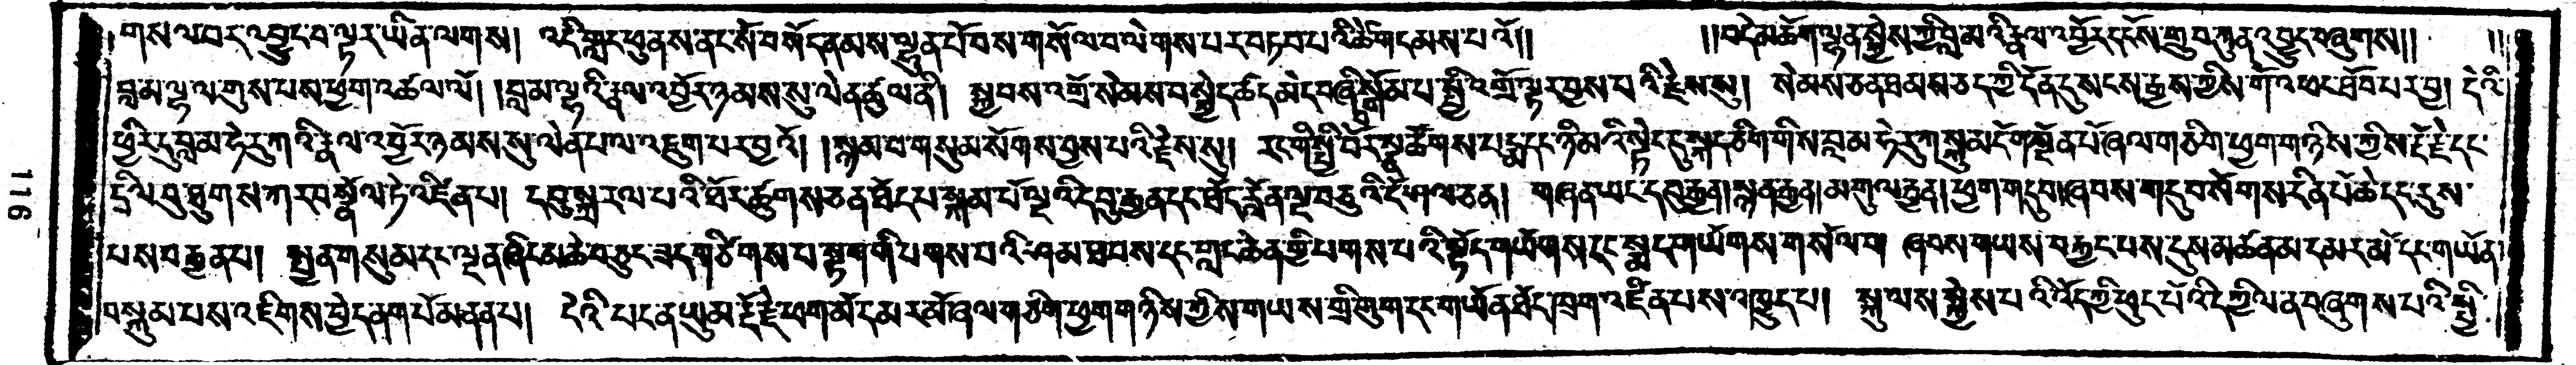གསལ་བར་འབྱུང་བ་ལྟར་ཡིན་ལགས། འདི་གླང་ཕུ་ནས་ནང་སོ་བསོད་ནམས་ལྷུན་པོ་བས་གསོལ་བ་ལེགས་པར་བཏབ་པའི་ཚེ་གདམས་པའོ།། །།བདེ་མཆོག་ལྷན་སྐྱེས་ཀྱི་བླ་མའི་རྣལ་འབྱོར་དངོས་གྲུབ་ཀུན་འབྱུང་བཞུགས།། །།
བླ་མ་ལྷ་ལ་གུས་པས་ཕྱག་འཚལ་ལོ། །བླ་མ་ལྷའི་རྣལ་འབྱོར་ཉམས་སུ་ལེན་ཚུལ་ནི། སྐྱབས་འགྲོ་སེམས་བསྐྱེད་ཚད་མེད་བཞིབ་སྒོ་མ་པ་སྤྱི་འགྲོ་ལྟར་བྱས་པའི་རྗེས་སུ། སེམས་ཅན་ཐམས་ཅད་ཀྱི་དོན་དུ་སངས་རྒྱས་ཀྱིས་གོ་འཕང་ཐོབ་པར་བྱ། དེའི་
ཕྱིར་དུ་བླ་མ་ཧེ་རུ་ཀའི་རྣལ་འབྱོར་ཉམས་སུ་ལེན་པ་ལ་འཇུག་པར་བྱའོ། །སྙམ་པ་གསུམ་སོགས་བྱས་པའི་རྗེས་སུ། རང་གི་སྤྱི་བོར་སྣ་ཚོགས་པདམ་དང་ཉི་མའི་སྟེང་དུ་སྐད་ཅིག་གིས་བླ་མ་ཧེ་རུ་ཀ་སྐུ་མདོག་སྔོན་པོ་ཞལ་གཅིག་ཕྱག་གཉིས་ཀྱིས་རྡོ་རྗེ་དང་
དྲིལ་བུ་ཐུགས་ཀར་བསྣོལ་ཏེ་འཛིན་པ། དབུ་སྐྲ་རལ་པའི་ཐོར་ཚུགས་ཅན་ཐོད་པ་སྐམ་པོ་ལྔའི་དབུ་རྒྱན་དང་ཐོད་རློན་ལྔ་བཅུའི་ངོ་ཤལ་ཅན། གཞན་ཡང་དབུ་རྒྱན། སྙན་རྒྱན། མགུལ་རྒྱན། ཕྱག་གདུབ། ཞབས་གདུབ་སོགས་རིན་པོ་ཆེ་དང་རུས་
པས་བརྒྱན་པ། སྤྱན་གསུམ་དང་ལྡན་ཞིང་མཆེ་བ་ཅུང་ཟད་ངྩིགས་པ་སྟག་གི་པགས་པའི་ཤམ་ཐབས་དང་གླང་ཆེན་གྱི་པགས་པའི་སྟོད་གཡོགས་དང་སྨད་གཡོགས་གསོལ་བ། ཞབས་གཡས་བརྐྱང་པས་དུས་མཚན་མ་དམར་མོ་དང་གཡོན།
བསྐུམ་པས་འཇིགས་བྱེད་ནག་པོ་མནན་པ། དེའི་པང་ན་ཡུམ་རྡོ་རྗེ་ཕྱག་མོ་དམར་མོ་ཞལ་གཅིག་ཕྱག་གཉིས་ཀྱིས་གཡས་གྲི་གུག་དང་གཡོན་ཐོང་ཁྲག་འཛིན་པས་འཁྱུད་པ། སྐུ་ལས་སྐྱེས་པའི་འོད་ཀྱི་ཕུང་པོའི་དཀྱིལ་ན་བཞུགས་པའི་སྤྱི་